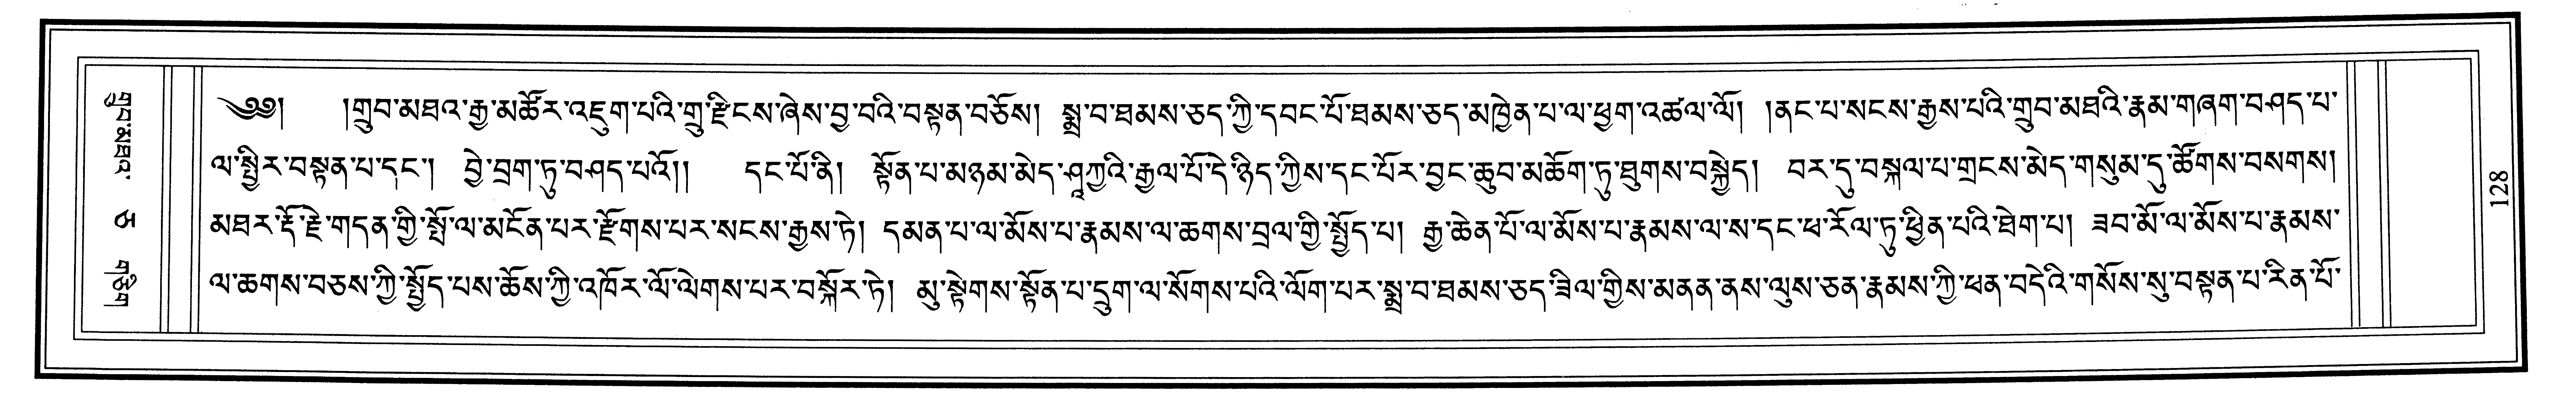༄༅། །གྲུབ་མཐའ་རྒྱ་མཚོར་འཇུག་པའི་གྲུ་རྫིངས་ཞེས་བྱ་བའི་བསྟན་བཅོས། སྨྲ་བ་ཐམས་ཅད་ཀྱི་དབང་པོ་ཐམས་ཅད་མཁྱེན་པ་ལ་ཕྱག་འཚལ་ལོ། །ནང་པ་སངས་རྒྱས་པའི་གྲུབ་མཐའི་རྣམ་གཞག་བཤད་པ་
ལ་སྤྱིར་བསྟན་པ་དང་། བྱེ་བྲག་ཏུ་བཤད་པའོ།། དང་པོ་ནི། སྟོན་པ་མཉམ་མེད་ཤཱཀྱའི་རྒྱལ་པོ་དེ་ཉིད་ཀྱིས་དང་པོར་བྱང་ཆུབ་མཆོག་ཏུ་ཐུགས་བསྐྱེད། བར་དུ་བསྐལ་པ་གྲངས་མེད་གསུམ་དུ་ཚོགས་བསགས།
མཐར་རྡོ་རྗེ་གདན་གྱི་སྤོ་ལ་མངོན་པར་རྫོགས་པར་སངས་རྒྱས་ཏེ། དམན་པ་ལ་མོས་པ་རྣམས་ལ་ཆགས་བྲལ་གྱི་སྤྱོད་པ། རྒྱ་ཆེན་པོ་ལ་མོས་པ་རྣམས་ལ་ས་དང་ཕ་རོལ་ཏུ་ཕྱིན་པའི་ཐེག་པ། ཟབ་མོ་ལ་མོས་པ་རྣམས་
ལ་ཆགས་བཅས་ཀྱི་སྤྱོད་པས་ཆོས་ཀྱི་འཁོར་ལོ་ལེགས་པར་བསྐོར་ཏེ། མུ་སྟེགས་སྟོན་པ་དྲུག་ལ་སོགས་པའི་ལོག་པར་སྨྲ་བ་ཐམས་ཅད་ཟིལ་གྱིས་མནན་ནས་ལུས་ཅན་རྣམས་ཀྱི་ཕན་བདེའི་གསོས་སུ་བསྟན་པ་རིན་པོ་